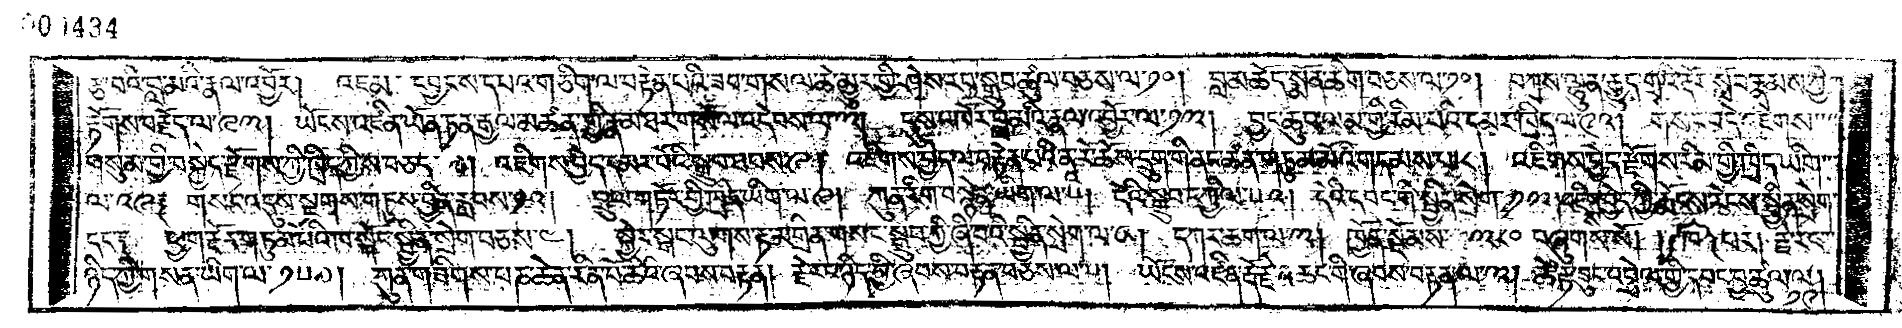རྩ་བའི་བླ་མའི་རྣལ་འབྱོར། འཇམ་དབྱངས་དཔའ་གཅིག་ལ་བརྟེན་པའི་ཟབ་གསལ་ཆེ་མྱུར་གྱི་ཤེས་རབ་སྒྲུབ་ཚུལ་བཅས་ལ ༡༠། བླ་མཆོད་སྨོན་ཚིག་བཅས་ལ ༡༠། བཀྲས་ལྷུན་རྒྱུད་གྲྭའི་རྡོར་སློབ་རྣམས་ཀྱི་
རྟོགས་བརྗོད་ལ ༩༣། ཡོངས་འཛིན་ཡོན་ཏན་རྒྱལ་མཚན་གྱི་རྣམ་ཐར་གསོལ་འདེབས་ལ ༣། དུས་འཁོར་བླ་མའི་རྣལ་འབྱོར་ལ ༡༣། བྱང་ཆུབ་ལམ་གྱི་རིམ་པའི་དམར་ཁྲིད་ལ ༩༢། གསང་བདེ་འཇིགས་
གསུམ་གྱི་བསྐྱེད་རྫོགས་ཀྱི་ཁྲིད་ཀྱི་ས་བཅད ༧། འཇིགས་བྱེད་དམར་པོའི་སྒྲུབ་ཐབས ༩། འཇིགས་བྱེད་ལ་བརྟེན་པའི་ནཱ་རོ་ཆོས་དྲུག་གི་ནང་ཚན་གཏུམ་མོའི་གདམས་པ ༨། འཇིགས་བྱེད་རྫོགས་རིམ་གྱི་ཁྲིད་ཡིག་
ལ༢༩༑ གསང་འདུས་སྔགས་གཏུས་བྱིན་རླབས ༡༢། བྲུལ་གཏོར་གྱི་ཁྲིད་ཡིག་ལ ༩། ཀུན་རིག་བསྙེན་ཡིག་ལ ༥། དེའི་སྒྲུབ་དཀྱིལ ༥༢། དེའི་དབང་གི་སྦྱིན་སྲེག ༡༣། འཇིགས་བྱེད་ཀྱི་རྨོངས་རེངས་སྦྱིན་སྲེག་
དང༑ ཕྱག་རྡོར་གཏུམ་པོའི་ཁ་སྐོང་སྦྱིན་སྲེག་བཅས ༤། སྐྱེར་སྒང་ལུགས་རྟ་མགྲིན་གསང་སྒྲུབ་ཀྱི་ཞི་བའི་སྦྱིན་སྲེག་ལ ༦། དཀར་ཆག་ལ༣། ཁྱོན་སྡོམས ༣༨༠་བཞུགས་སོ། །༼ཁ༽ པར། རྗེ་རང་
ཉིད་ཀྱི་གསན་ཡིག་ལ ༡༥༧། ཀུན་གཟིགས་པཎ་ཆེན་རིན་པོ་ཆེའི་ཞབས་བརྟན། རྗེ་རང་ཉིད་ཀྱི་ཞབས་བརྟན་བཅས་ལ ༥། ཡོངས་འཛིན་རྡོ་རྗེ་འཆང་གི་ཞབས་བརྟན་ལ ༣། ཚེ་རྟ་ཟུང་འབྲེལ་གྱི་དབང་བྱ་ཚུལ་ལ༡༩།